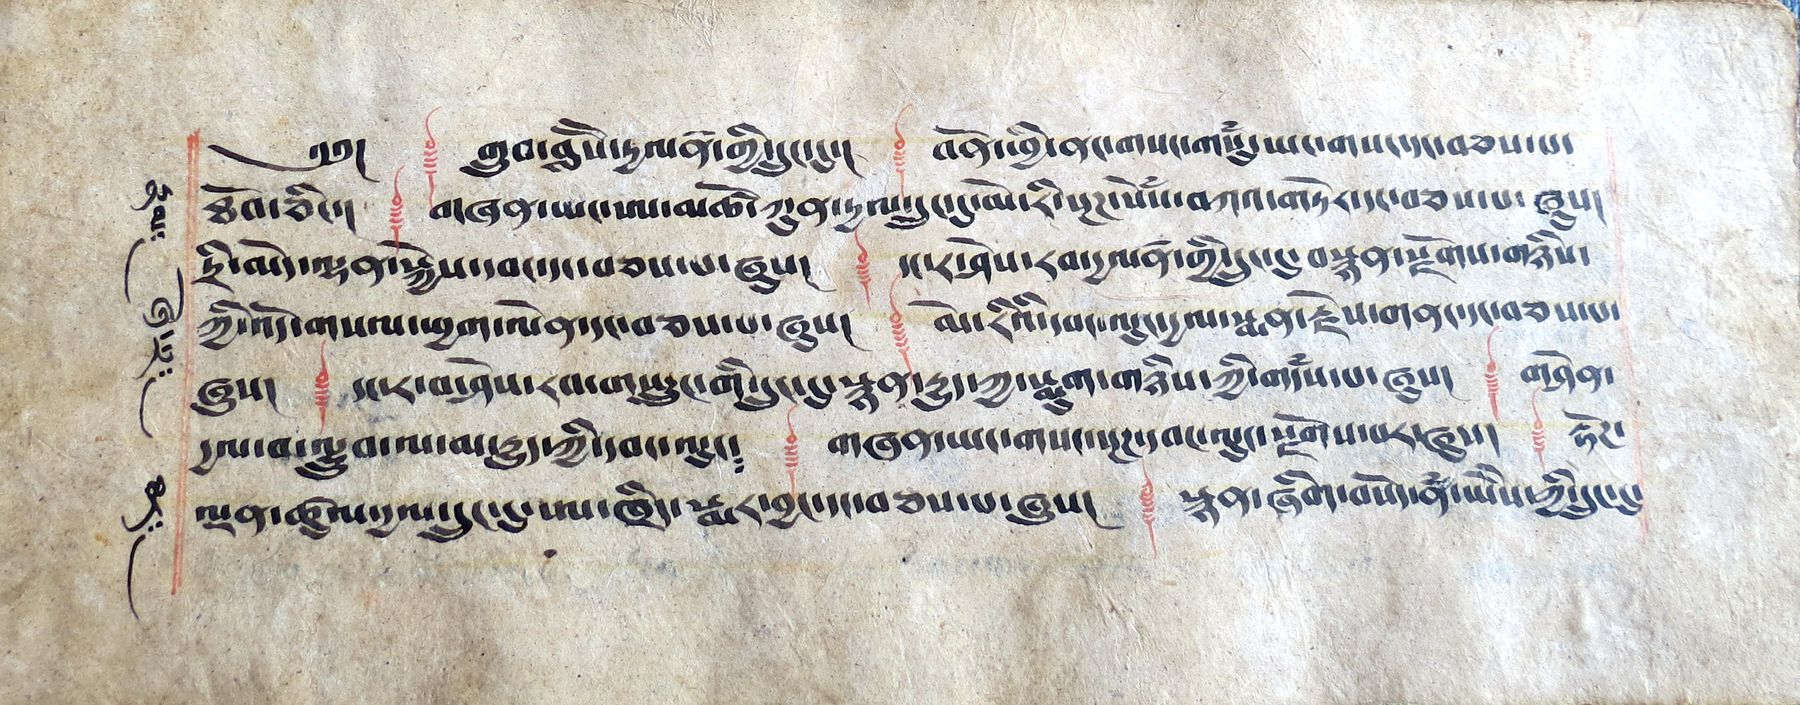གྲུབ་བློ་གྲོས་རྒྱལ་མཚན་གྱི་དྲུང་དུ་བོན་ཕྱི་ནང་གསང་གསུམ་ཡང་གསང་དང་བཅས་པ་
ཐོབ་ཅིང་། གཞན་ཡང་ཨ་མཚོ་ཀུན་རྒྱལ་དྲུང་དུ་མེ་རི་སྔགས་སེམས་བཀའ་གཏེར་དང་བཅས་པ་ཞུས། 
དྲི་མེད་ལྷན་སྐྱེས་དབང་དང་བཅས་པ་ཞུས། དང་ར་ཤེས་རབ་རྒྱལ་མཚན་གྱི་དྲུང་དུ་སྙན་རྫོགས་གཉིས་
ཀྱི་འོད་གསལ་ཕྱག་ལེན་དང་བཅས་པ་ཞུས། མེ་རིའི་དབང་ལུང་རྒྱལ་སྨན་རྗེས་གནང་དང་བཅས་པ་
ཞུས། དང་ར་བ་ཤེས་རབ་གཡུང་དྲུང་གི་དྲུང་དུ་སྙན་རྒྱུད་སྐྱ་སྨུག་གཉིས་ཀྱི་གདམས་པ་ཞུས། གཤེན་
རྒྱལ་བ་ལྷུན་གྲུབ་ལ་མ་རྒྱུད་ཀྱི་དབང་ལུང་། གཞན་ཡང་གསང་སྔགས་དབང་ལུང་རྫོགས་པར་ཞུས། རྟོགས་
ལྡན་ཚུལ་རྒྱལ་དྲུང་དུ་ཨ་ཁྲིད་སྨར་བྱང་དང་བཅས་པ་ཞུས། སྙན་ཞིག་བསོད་ནམས་ཡེ་ཤེས་ཀྱི་དྲུང་དུ་